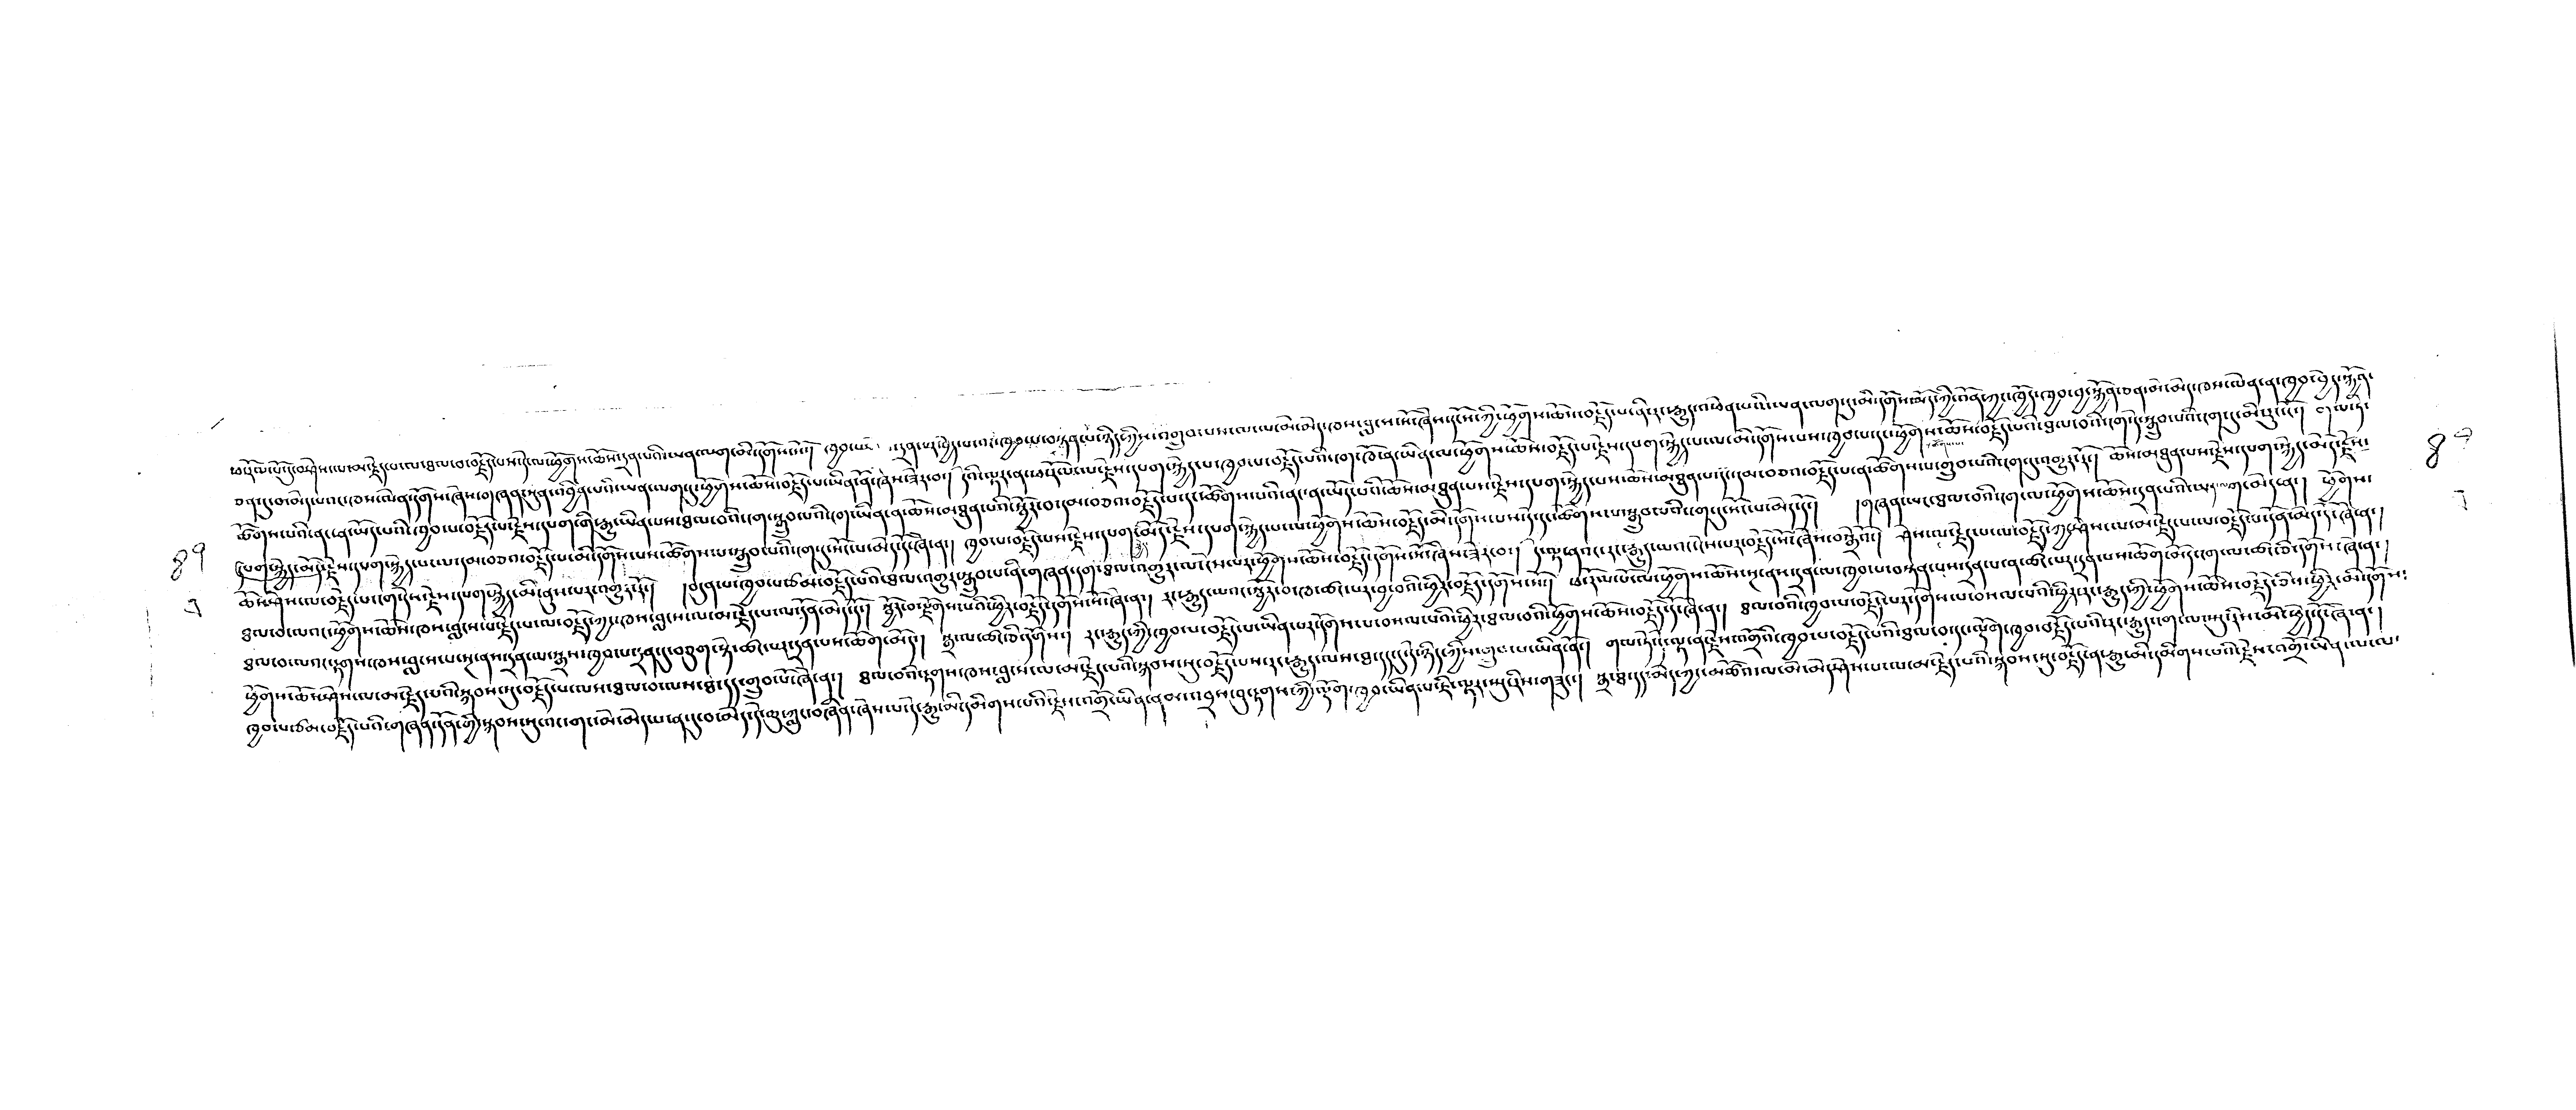ཕ་རོལ་པོ་དུ་བ་ཤེས་པ་མ་རྗེད་པ་ལ་ཐལ་བ་བརྗོད་པས་དེ་ལ་ཕྱོགས་ཆོས་དྲན་པའི་ཡན་ལག་མི་དགོས་སོ། ཁྱབ་པའི་དྲན་པར་བྱེད་པ་འང་ཁྱབ་པ་བསྟན་པ་ཉིད་ཀྱིས་འགྲུབ་པས་ལ་ལ་མེ་མེད་བས་བླངས་སོ་ཞེས་དངོས་ཀྱི་ཕྱོགས་ཆོས་བརྗོད་པ་ནི་རང་རྒྱུད་འཕེན་པའི་ཡན་ལག་དུ་མི་དགོས་མོད་ཀྱི་འོན་ཀྱང་ཁྱོད་ཁྱབ་བྱ་སྐྱོན་ཅན་མེ་མེད་ཁས་ལེན་ན་ཁྱབ་བྱེད་སྐྱོན་
ཅན་དུ་བ་མེད་པའང་ཁས་ལེན་དགོས་ཞེས་གཞན་སུན་འབྱིན་པའི་ཡན་ལག་དུ་ཕྱོགས་ཆོས་བརྗོད་པ་ཡིན་ནོ་ཞེས་ཟེར་བ། དེའི་ལྟར་ན་ཕ་རོལ་ལ་རྗེས་དཔག་སྐྱེད་པ་ཁྱབ་པ་བརྗོད་པའི་ངག་ཁོ་ན་ཡིན་ལ་ཕྱོགས་ཆོས་བརྗོད་པ་རྗེས་དཔག་སྐྱེད་པ་ལ་མི་དགོས་པས་ཁྱབ་པ་དང་ཕྱོགས་ཆོས་བརྗོད་པའི་ཐལ་བའི་ངག་དེ་སྒྲུབ་པའི་ངག་དུ་མི་རུང་ངོ། གལ་ཏེ་
ཚོགས་པའི་ནང་ན་ཡོད་པའི་ཁྱབ་པ་བརྗོད་པ་རྗེས་དཔག་གི་རྒྱུ་ཡིན་པས་ཐལ་བའི་ངག་སྒྲུབ་པའི་ངག་ཡིན་ན་ཆོས་མཐུན་པའི་སྦྱོར་བ་དམ་བཅའ་བརྗོད་པ་དང་ཚོགས་པའི་ནང་ན་ཡོད་པའི་ཆོས་མཐུན་པས་རྗེས་དཔག་སྐྱེད་པས་ཆོས་མཐུན་པ་དང་དམ་བཅའ་བརྗོད་པ་ན་ཚོགས་པ་གྲུབ་པའི་ངག་དུ་འགྱུར་རོ། ཆོས་མཐུན་པས་རྗེས་དཔག་སྐྱེད་མེད་རྗེས་
དཔག་སྐྱེད་པ་ལ་དམ་བཅའ་བརྗོད་པ་མི་དགོས་པས་ཚོགས་པ་སྒྲུབ་པའི་ངག་དུ་སོང་པ་མེད་དོ་ཞེ་ན། ཁྱབ་པ་བརྗོད་པས་རྗེས་དཔག་སྐྱེད་མོད་རྗེས་དཔག་སྐྱེད་པ་ལ་ཕྱོགས་ཆོས་བརྗོད་མི་དགོས་པས་དེ་དང་ཚོགས་པ་སྒྲུབ་པའི་ངག་དུ་སོང་པ་མེད་དོ། །གཞན་ཡང་ཐལ་བའི་ངག་ལ་ཕྱོགས་ཆོས་དྲན་པའི་ཡན་ལག་མེད་ན། ཕྱོགས་
ཆོས་ཤེས་ལ་བརྗོད་པ་ངག་དེས་རྗེས་དཔག་སྐྱེད་མི་ནུས་པར་འགྱུར་རོ། །བདུན་པ་ཁྱབ་པ་ཙམ་བརྗོད་པའི་ཐལ་འགྱུར་སྒྲུབ་པ་ནི་གཞན་དག་ཐལ་འགྱུར་ལ་ངེས་པར་ཕྱོགས་ཆོས་བརྗོད་དགོས་སོ་ཞེས་ཟེར་བ། དེ་ལྟ་ནའང་རང་རྒྱུད་ལའང་ངེས་པར་བརྗོད་སོ་ཞེས་བསྒྲེའོ། ཤེས་ལ་རྗེད་པ་ལ་བརྗོད་ཀྱང་ཤེས་པ་མ་རྗེད་པ་ལ་བརྗོད་པ་དོན་མེད་དེ་ཞེ་ན།
ཐལ་བ་ལའང་རྟགས་ཁས་བླངས་པ་སྔ་ནས་རྗེད་པ་ལ་བརྗོད་ཀྱང་ཁས་བླངས་ལ་མ་རྗེད་པ་ལ་དོན་མེད་དོ། སྦྱོར་བ་རྫོགས་པའི་ཕྱིར་བརྗོད་དགོས་སོ་ཞེ་ན། རང་རྒྱུད་ལའང་སྦྱོར་བ་ཁ་ཚང་པར་བྱ་བའི་ཕྱིར་བརྗོད་དགོས་སོ། ཕ་རོལ་པོ་ལ་ཕྱོགས་ཆོས་སྔ་ནས་དྲན་ལ་ཁྱབ་པ་བསྟན་པས་དྲན་པ་ན་ཚང་པར་དྲན་པས་ཆོག་མོད?་ངག་ལ་ཚང་ཅི་དགོས་ཞེ་ན།
ཐལ་བ་ལའང་རྟགས་ཁས་བླངས་པ་སྔ་ནས་དྲན་ལ་སྒྲས་ཁྱབ་པ་དྲན་དུ་བཅུག་སྟེ་ཚང་པར་དྲན་པས་ཆོག་མོད། སྒྲ་ལ་ཚང་ཅི་དགོས། རང་རྒྱུད་ཀྱི་ཁྱབ་པ་བརྗོད་པ་ཡིན་པར་དོགས་པ་བསལ་པའི་ཕྱིར་ཐལ་བའི་ཕྱོགས་ཆོས་བརྗོད་དོ་ཞེ་ན། ཐལ་བའི་ཁྱབ་པ་བརྗོད་པར་དོགས་པ་བསལ་པའི་ཕྱིར་རང་རྒྱུད་ཀྱི་ཕྱོགས་ཆོས་བརྗོད་ཅེས་ཕྱིར་མི་དགོས་
ཕྱོགས་ཆོས་ཤེས་ལ་མ་རྗེད་པའི་སྐབས་སུ་བརྗོད་པ་ལས་ཐལ་བ་ལས་ཐ་དད་གྲུབ་པོ་ཞེ་ན། ཐལ་བའི་རྟགས་ཁས་བླངས་ལ་མ་རྗེད་པའི་སྐབས་སུ་བརྗོད་པས་རང་རྒྱུད་ལས་ཐ་དད་དུ་དེ་ཉིད་ཀྱིས་གྲུབ་པ་ཡིན་ནོ། གལ་ཏེ་དེ་ལྟ་ན་རྗེས་འགྲོའི་ཁྱབ་པ་བརྗོད་པའི་ཐལ་བ་དང་ལྡོག་ཁྱབ་བརྗོད་པའི་རང་རྒྱུད་ངག་ལ་སྤུ་རིས་མེ་ཕྱེད་དོ་ཞ་ན།
ཁྱབ་པ་ཙམ་བརྗོད་པའི་གཞན་དོན་གྱི་སྐབས་སུ་འང་གང་མེ་མེད་པ་ན་དུ་བ་མེད་དེ་ཆུ་ཀླུང་བཞིན་ཞེས་པ་དེ་རྒྱུ་མི་དམིགས་པའི་རྗེས་འགྲོ་ཡིན་ནམ་འབྲས་བུ་རྟགས་ཀྱི་ལྡོག་ཁྱབ་ཡིན་པ་ཇི་ལྟར་སྤུ་རིས་གཟུང་། སྒྲ་ཐ་དད་མེད་ཀྱང་མཚོའ?་ལ་མེ་མེད་ཤེས་པ་ལ་མ་རྗེད་པའི་སྐབས་སུ་བརྗོད་ན་རྒྱུ་མི་དམིགས་པའི་རྗེས་འགྲོ་ཡིན་པ་ལ་